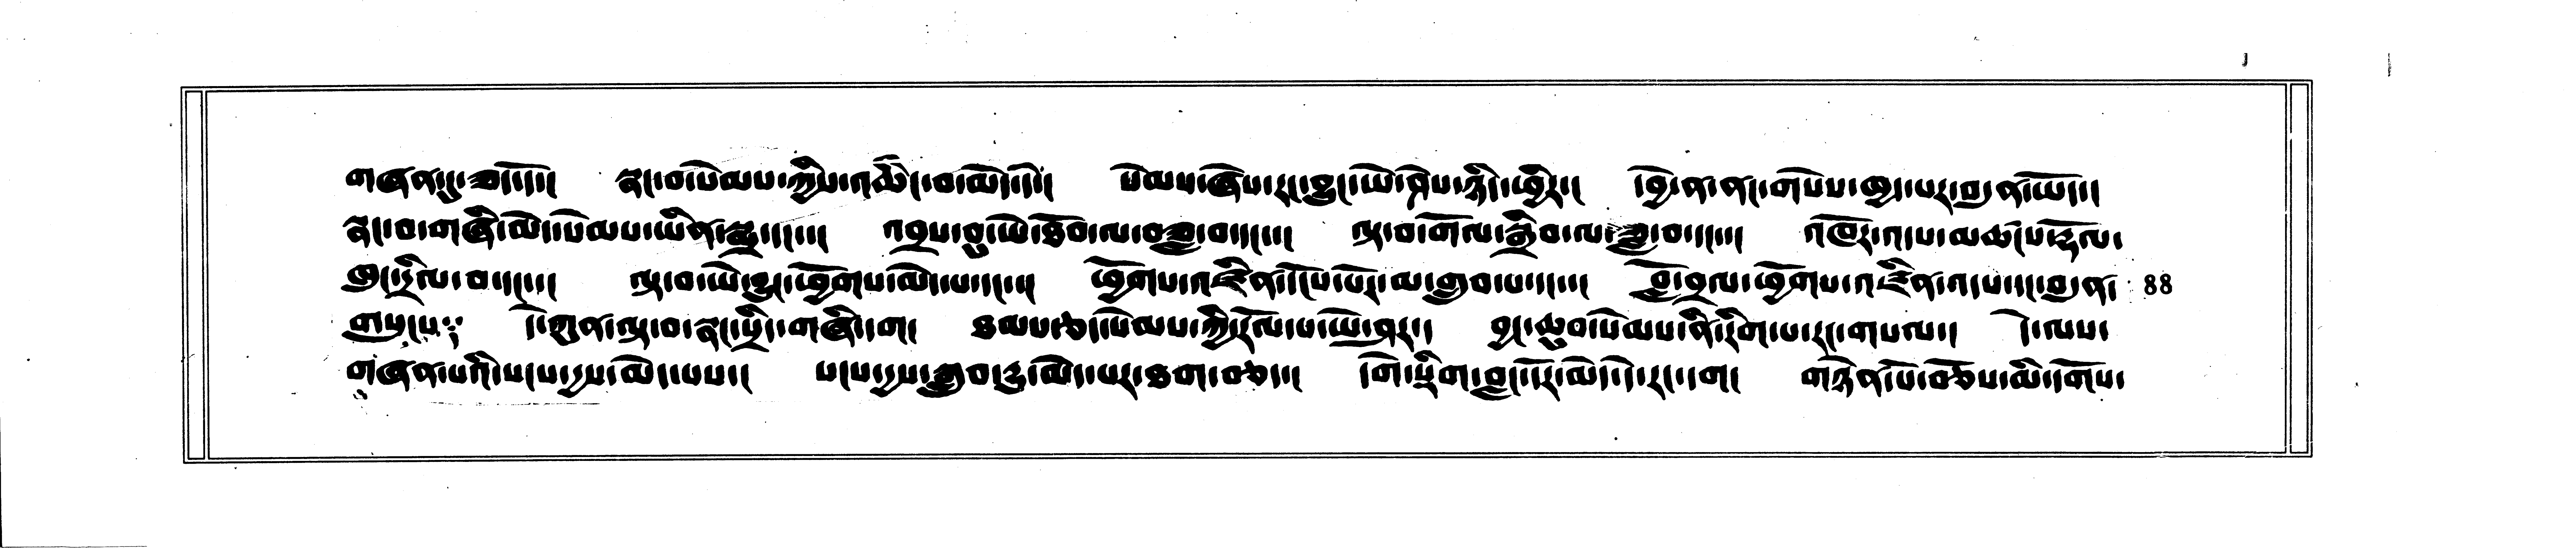གཞན་དུ་ཟད་དོ། །སྣང་བ་སེམས་ཀྱི་འཆིང་བ་མེད་དེ། །སེམས་ཞེས་རང་བྱུང་ཡེ་ཤེས་ཉིད་ཕྱིར། །དབྱེ་ན་ནང་གསེས་ཁྱད་པར་བདུན་ཡོད། །
སྣང་བ་གཞི་མེད་སེམས་ཡིན་སྨྲ་དང་། །འབྲས་བུ་ཡེ་ཐོབ་ལ་བཟླ་བ་དང་། །འཁོར་འདས་འཚང་རྡོལ་
ཁུང་དྲིལ་བ་དང་། །ལྟ་བ་ཡེ་བྱུང་ཕྱོགས་མེད་པ་དང་། །ཕྱོགས་འཛིན་དངོས་པོར་མ་གྲུབ་པ་དང་། །བློ་བྲལ་ཕྱོགས་འཛིན་འདས་དང་བདུན་
གསུངས། །དེ་ཀུན་ལྟ་བ་སྣང་སྲིད་གཞི་དག །ཐམས་ཅད་སེམས་ཀྱི་རོལ་པ་ཡེ་ཤར། །བྱང་ཆུབ་སེམས་ནི་རིག་པ་རང་གསལ། །དེ་ལས་
གཞན་པའི་སངས་རྒྱས་མེད་པས། །སངས་རྒྱས་སྒྲུབ་རྒྱུ་མེད་པར་ཐག་བཅད། །དགེ་སྡིག་བླང་དོར་མེད་དེ་རང་དག །གཉེན་པོ་བཅོས་མི་དགོས་